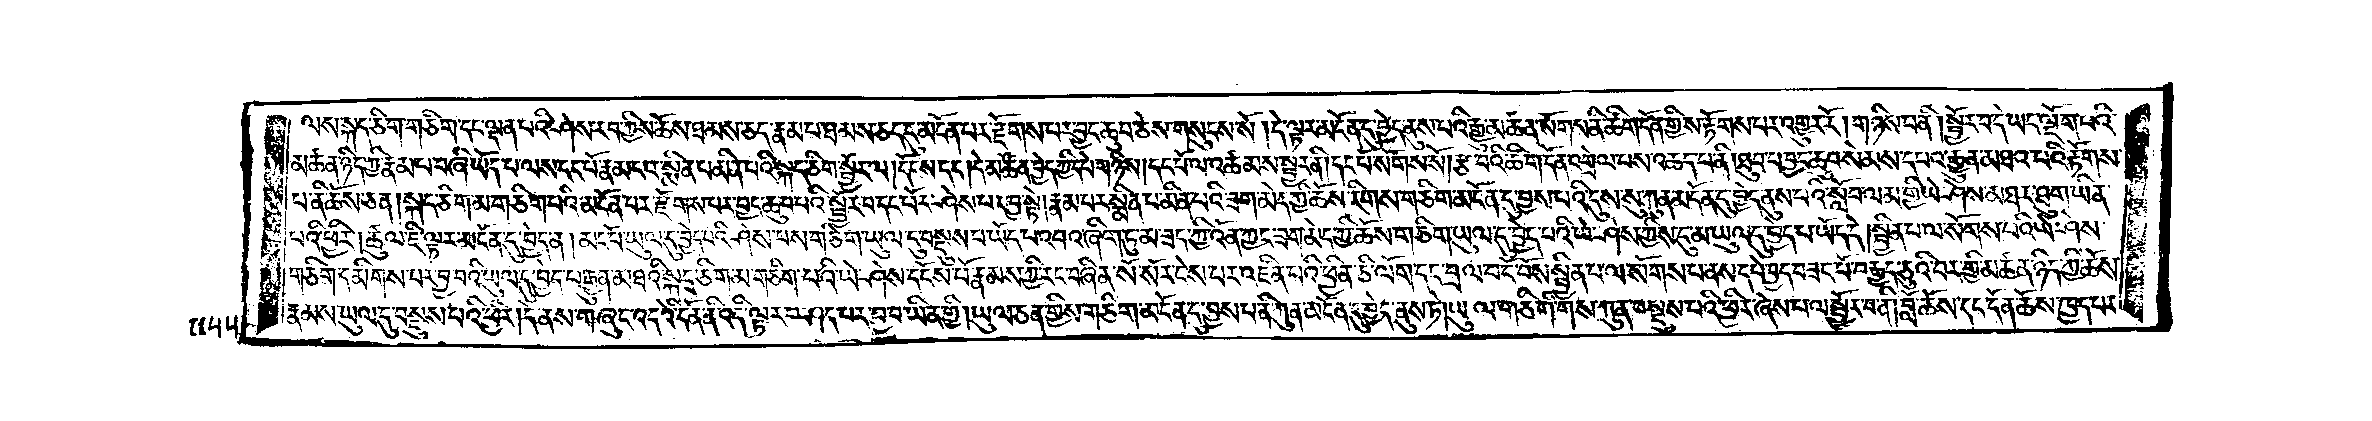ལས་སྐད་ཅིག་གཅིག་དང་ལྡན་པའི་ཤེས་རབ་ཀྱིས་ཆོས་ཐམས་ཅད་རྣམ་པ་ཐམས་ཅད་དུ་མངོན་པར་རྫོགས་པར་བྱང་ཆུབ་ཅེས་གསུངས་སོ། དེ་ལྟར་མངོན་དུ་བྱེད་ནུས་པའི་རྒྱུ་མཚན་སོགས་ནི་ཚིག་དོན་གྱིས་རྟོགས་པར་འགྱུར་རོ། གཉིས་པ་ནི། སྦྱོར་བ་དེ་ཡང་ལྡོག་པའི་
མཚན་ཉིད་ཀྱི་རྣམ་པ་བཞི་ཡོད་པ་ལས་དང་པོ་རྣམ་པར་སྨིན་པ་མིན་པའི་སྐད་ཅིག་སྦྱོར་ལ། དངོས་དང་། དེ་མཚོན་བྱེད་ཀྱི་དཔེ་གཉིས། དང་པོ་ལ་འཚམས་སྦྱར་ནི། དང་པོ་སོགས་སོ། རྩ་བའི་ཚིག་དོན་འགྲེལ་པས་འཆད་པ་ནི། ཐུབ་པ་བྱང་ཆུབ་སེམས་དཔའ་རྒྱུན་མཐའ་པའི་རྟོགས་
པ་ནི་ཆོས་ཅན། སྐད་ཅིག་མ་གཅིག་པའི་མངོན་པར་རྫོགས་པར་བྱང་ཆུབ་པའི་སྦྱོར་བ་དང་པོར་ཤེས་པར་བྱ་སྟེ། རྣམ་པར་སྨིན་པ་མིན་པའི་ཟག་མེད་ཀྱི་ཆོས་རིགས་གཅིག་མངོན་དུ་བྱས་པའི་དུས་སུ་ཀུན་མངོན་དུ་བྱེད་ནུས་པའི་སློབ་ལམ་གྱི་ཡེ་ཤེས་མཐར་ཐུག་ཡིན་
པའི་ཕྱིར། ཚུལ་ཇི་ལྟར་མངོན་དུ་བྱེད་ན། མང་པོ་ཡུལ་དུ་བྱེད་པའི་ཤེས་པས་གཅིག་ཡུལ་དུ་བསྡུས་པ་ཡོད་པ་འབའ་ཞིག་ཏུ་མ་ཟད་ཀྱི་འོན་ཀྱང་ཟག་མེད་ཀྱི་ཆོས་གཅིག་ཡུལ་དུ་བྱེད་པའི་ཡེ་ཤེས་ཀྱིས་དུ་མ་ཡུལ་དུ་བྱེད་པ་ཡོད་དེ། སྦྱིན་པ་ལ་སོགས་པའི་ཡེ་ཤེས་
གཅིག་དམིགས་པར་བྱ་བའི་ཡུལ་དུ་བྱེད་པ་རྒྱུན་མཐའི་སྐད་ཅིག་མ་གཅིག་པའི་ཡེ་ཤེས་དངོས་པོ་རྣམས་ཀྱི་རང་བཞིན་སོ་སོར་ངེས་པར་འཛིན་པའི་ཕྱིན་ཅི་ལོག་དང་བྲལ་བ་ངོ་བོས་སྦྱིན་པ་ལ་སོགས་པ་ནས་དཔེ་བྱེད་བཟང་པོ་བརྒྱད་ཅུའི་བར་གྱི་མཚན་ཉིད་ཀྱི་ཆོས་
རྣམས་ཡུལ་དུ་བསྡུས་པའི་ཕྱིར། དེ་ནས་གཞུང་འདིའི་དོན་ནི་འདི་ལྟར་བཤད་པར་བྱ་བ་ཡིན་གྱི། ཡུལ་ཅན་གྱིས་གཅིག་མངོན་དུ་བྱས་པ་ནི་ཀུན་མངོན་དུ་བྱེད་ནུས་ཏེ། ཡུལ་གཅིག་གིས་ཀུན་བསྡུས་པའི་ཕྱིར་ཞེས་པ་ལ་སྦྱོར་བ་ནི། བློ་ཆོས་དང་དོན་ཆོས་ཁྱད་པ་